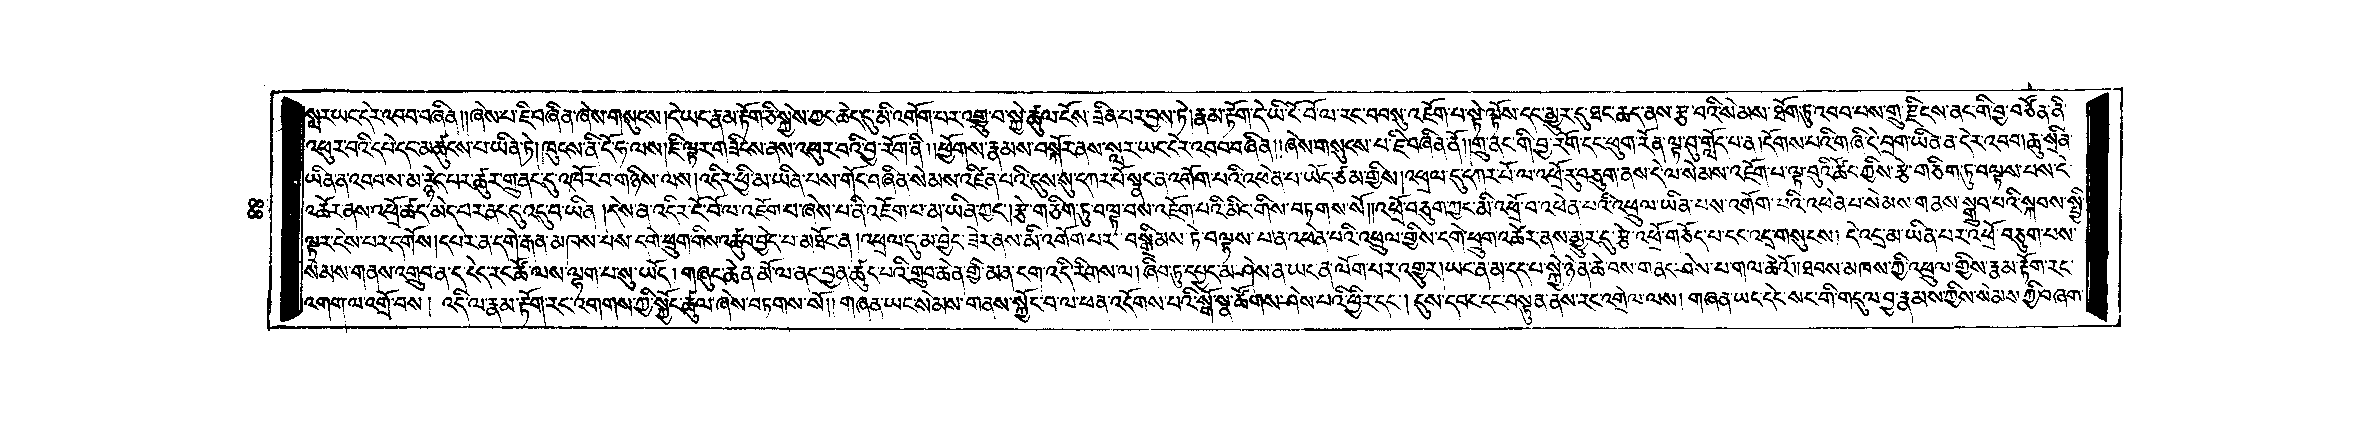སླར་ཡང་དེར་འབབ་བཞིན། །ཞེས་པ་ཇི་བཞིན་ཞེས་གསུངས། དེ་ཡང་རྣམ་རྟོག་ཅི་སྐྱེས་ཀྱང་ཆེད་དུ་མི་འགོག་པར་འགྱུ་བ་སྐྱེ་ཚུལ་ངོས་ཟིན་པར་བྱས་ཏེ། རྣམ་རྟོག་དེ་ཡི་ངོ་བོ་ལ་རང་བབས་སུ་འཇོག་པ་སྟེ་ལྟོས་དང་མྱུར་དུ་ཐང་ཆད་ནས་རྩ་བའི་སེམས་ཐོག་ཏུ་འབབ་པས་གྲུ་རྫིངས་ནང་གི་བྱ་བཙོན་ནི་
འཕུར་བའི་དཔེ་དང་མཚུངས་པ་ཡིན་ཏེ། ཁུངས་ནི་དོ་ཧ་ལས། ཇི་ལྟར་གཟིངས་ནས་འཕུར་བའི་བྱ་རོག་ནི། ཕྱོགས་རྣམས་བསྐོར་ནས་སླར་ཡང་དེར་འབབ་བཞིན། །ཞེས་གསུངས་པ་ཇི་བཞིན་ནོ། །གྲུ་ནང་གི་བྱ་རོག་དང་ཕུག་རོན་ལྟ་བུ་གློད་པ་ན། དོགས་པའི་གཞི་དེ་བྲག་ཡིན་ན་དེར་འབབ། ཆུ་སྲིན་
ཡིན་ན་འབབ་ས་མ་རྙེད་པར་ཚུར་གྲུ་ནང་དུ་འཁོར་བ་གཉིས་ལས། འདིར་ཕྱི་མ་ཡིན་པས་གོང་བཞིན་སེམས་འཛིན་པའི་དུས་སུ་དཀར་པོ་སྣང་ན་འགོག་པའི་འཕེན་པ་ཡོད་ཙམ་གྱིས། འཕྲལ་དུ་དཀར་པོ་ལ་འཕྲོ་རུ་བཅུག་ནས་དེ་ལ་སེམས་འཇོག་པ་ལྟ་བུའི་ཚོང་ཀྱིས་རྩེ་གཅིག་ཏུ་བལྟས་པས་དེ་
འཚེར་ནས་འཕྲོ་ཚད་མེད་པར་ནང་དུ་འདུ་བ་ཡིན། དེས་ན་འདིར་ངོ་བོ་ལ་འཇོག་པ་ཞེས་པ་ནི་འཇོག་པ་མ་ཡིན་ཀྱང་། རྩེ་གཅིག་ཏུ་བལྟ་བས་འཇོག་པའི་མིང་གིས་བཏགས་སོ། །འཕྲོ་བཅུག་ཀྱང་མི་འཕྲོ་བ་འཕེན་པའི་འཕྲུལ་ཡིན་པས་འགོག་པའི་འཕེན་པ་སེམས་གནས་སྒྲུབ་པའི་སྐབས་སྤྱི་
ལྟར་ངེས་པར་དགོས། དཔེར་ན་དགེ་རྒན་མཁས་པས་དགེ་ཕྲུག་གིས་འཚུབ་བྱེད་པ་མཐོང་ན། འཕྲལ་དུ་མ་བྱེད་ཟེར་ནས་མི་འགོག་པར་བསྒྲིམས་ཏེ་བལྟས་པ་ན་འཕེན་པའི་འཕྲུལ་གྱིས་དགེ་ཕྲུག་འཚེར་ནས་མྱུར་དུ་རྩེ་འཕྲོ་གཅོད་པ་དང་འདྲ་གསུངས། དེ་འདྲ་མ་ཡིན་པར་འཕྲོ་བཅུག་པས་
སེམས་གནས་འགྲུབ་ན་ད་ངེད་རང་ཚོ་ལས་ལྷག་པ་སུ་ཡོད། གཞུང་ཆེན་མོ་ལ་ནང་བྱན་ཚུད་པའི་གྲུབ་ཆེན་གྱི་མན་ངག་འདི་རིགས་ལ། ཞིབ་ཏུ་དཔྱད་མ་ཤེས་ན་ཡང་ན་ལོག་པར་འགྱུར། ཡང་ན་མ་དད་པ་སྐྱེ་ཉེན་ཆེ་བས་གནད་ཤེས་པ་གལ་ཆེའོ། །ཐབས་མཁས་ཀྱི་འཕྲུལ་གྱིས་རྣམ་རྟོག་རང་
འགག་ལ་འགྲོ་བས། འདི་ལ་རྣམ་རྟོག་རང་འགགས་ཀྱི་སྐྱོང་ཚུལ་ཞེས་བཏགས་སོ། །གཞན་ཡང་སེམས་གནས་སྐྱོང་བ་ལ་ཕན་འདོགས་པའི་སྒོ་སྣ་ཚོགས་ཤེས་པའི་ཕྱིར་དང་། དུས་དབང་དང་བསྟུན་ནས་རང་འགྲེལ་ལས། གཞན་ཡང་དེང་སང་གི་གདུལ་བྱ་རྣམས་ཀྱིས་སེམས་ཀྱི་བཞག་